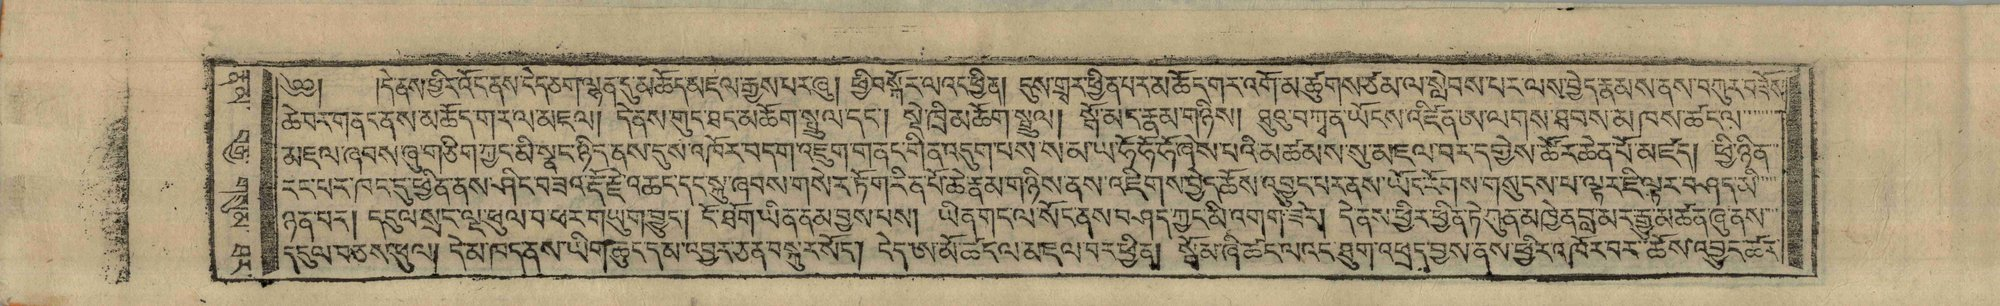༄༅། །དེ་ནས་ཕྱིར་འོང་ནས་ངེད་ཅག་ལྷན་དུ་མཆོད་མཇལ་རྒྱས་པར་ཞུ། ཕྱི་བསྐོར་ལའང་ཕྱིན། དུས་གྲྭར་ཕྱིན་པར་མཆོད་གར་འགོ་མ་ཚུགས་ཙམ་ལ་སླེབས་པར་ལས་བྱེད་རྣམས་ནས་བཀུར་བཟོས་
ཆེ་བར་གནང་ནས་མཆོད་གར་ལ་མཇལ། དེ་ནས་གུང་ཐང་མཆོག་སྤྲུལ་དང་། སྡེ་ཁྲི་མཆོག་སྤྲུལ། སྒོ་མང་རྣམ་གཉིས། ཐུའུ་བ་ཀྭན་ཡོངས་འཛིན་ཨ་ལགས་ཐབས་མཁས་ཚང་ལ་
མཇལ་ཞབས་ཞུ་གཅིག་ཀྱང་མི་སྣང་ཉིད་ནས་དུས་འཁོར་བདག་འཇུག་གནང་གིན་འདུག་པས་ས་མ་ཡ་ཧོ་ཧོ་ཧོ་ཞེས་པའི་མཚམས་སུ་མཇལ་བར་དགྱེས་ཚོར་ཆེན་པོ་མཛད། ཕྱི་ཉིན་
རང་པར་ཁང་དུ་ཕྱིན་ནས་ཤིང་བཟའ་རྡོ་རྗེ་འཆང་དང་སྐུ་ཞབས་གསེར་ཏོག་རིན་པོ་ཆེ་རྣམ་གཉིས་ནས་འཇིགས་བྱེད་ཆོས་འབྱུང་པར་ནས་ཡོང་རོགས་གསུངས་པ་ལྟར་ཇི་ལྟར་བཤད་མི་
ཉན་པར། དངུལ་སྲང་ལྔ་ཕུལ་བ་ཕར་གཡུག་བྱུང་། ངོ་ཐོག་ཡིན་ནམ་བྱས་པས། ཡིན་གང་ལ་སོང་ནས་བཤད་ཀྱང་མི་འགག་ཟེར། དེ་ནས་ཕྱིར་ཕྱིན་ཏེ་ཀུན་མཁྱེན་བླ་མར་རྒྱུ་མཚན་ཞུ་ནས་
དངུལ་བཅས་ཕུལ། དེ་མ་ཁད་ནས་ཡིག་ཆུང་དམ་འབྱར་ཅན་བསྐུར་སོང་། ངེད་ཨ་མོ་ཚང་ལ་མཇལ་བར་ཕྱིན། སྒོམ་ཞི་ཚང་ལའང་ཐུག་འཕྲད་བྱས་ནས་ཕྱིར་འཁོར་བར་ཆོས་འབྱུང་ཚར་